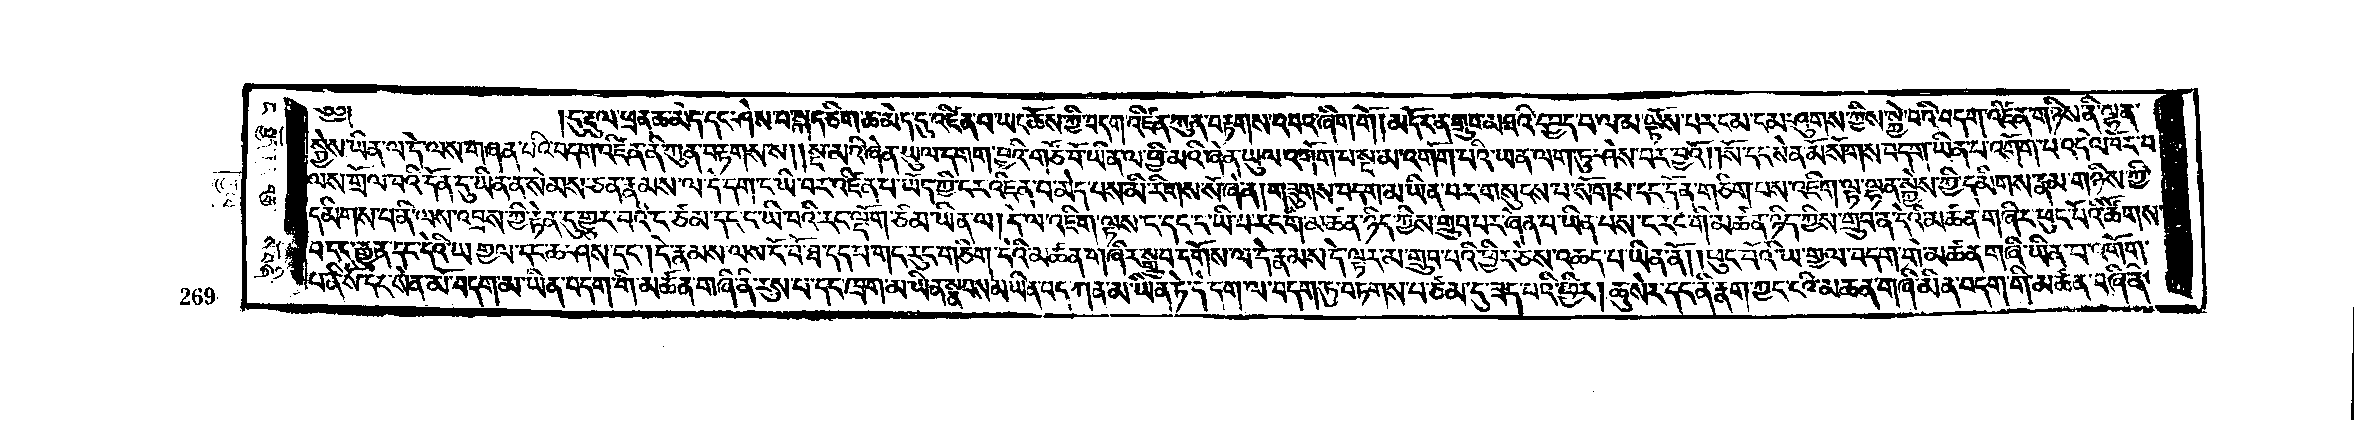༄༅། །དུ་རྡུལ་ཕྲན་ཆ་མེད་དང་ཤེས་པ་སྐད་ཅིག་ཆ་མེད་དུ་འཛིན་པ་ཡང་ཆོས་ཀྱི་བདག་འཛིན་ཀུན་བརྟགས་འབའ་ཞིག་གོ །མདོར་ན་གྲུབ་མཐའི་དཔྱད་པ་ལ་མ་ལྟོས་པར་ངམ་ངམ་ཤུགས་ཀྱིས་སྐྱེ་བའི་བདག་འཛིན་གཉིས་ནི་ལྷན་
སྐྱེས་ཡིན་ལ་དེ་ལས་གཞན་པའི་བདག་འཛིན་ནི་ཀུན་བརྟགས་སོ། །སྔ་མའི་ཞེན་ཡུལ་དགག་བྱའི་གཙོ་བོ་ཡིན་ལ་ཕྱི་མའི་ཞེན་ཡུལ་འགོག་པ་སྔ་མ་འགོག་པའི་ཡན་ལག་ཏུ་ཤེས་པར་བྱའོ། །སོ་དང་སེན་མོ་སོགས་བདག་ཡིན་པ་འགོག་པ་འདི་འཁོར་བ་
ལས་གྲོལ་བའི་དོན་དུ་ཡིན་ན་སེམས་ཅན་རྣམས་ལ་དེ་དག་ང་ཡི་པར་འཛིན་པ་ཡོད་ཀྱི་ངར་འཛིན་པ་མེད་པས་མི་རིགས་སོ་ཞེ་ན། གཟུགས་བདག་མ་ཡིན་པར་གསུངས་པ་སོགས་དང་དོན་གཅིག་པས་འཇིག་ལྟ་ལྷན་སྐྱེས་ཀྱི་དམིགས་རྣམ་གཉིས་ཀྱི་
དམིགས་པ་ནི་ལས་འབྲས་ཀྱི་རྟེན་དུ་གྱུར་པའི་ང་ཙམ་དང་ང་ཡི་པའི་རང་ལྡོག་ཙམ་ཡིན་ལ་དེ་ལ་འཇིག་ལྟས་ངན་དང་ང་ཡི་པ་རང་གི་མཚན་ཉིད་ཀྱིས་གྲུབ་པར་ཞེན་པ་ཡིན་པས་ང་རང་གི་མཚན་ཉིད་ཀྱིས་གྲུབ་ན་དེའི་མཚན་གཞིར་ཕུང་པོའི་ཚོགས་
པ་དང་རྒྱུན་དང་དེའི་ཡ་གྱལ་དང་ཆ་ཤེས་དང་། དེ་རྣམས་ལས་ངོ་བོ་ཐ་དད་པ་གང་རུང་གཅིག་དེའི་མཚན་གཞིར་སྒྲུབ་དགོས་ལ་དེ་རྣམས་དེ་ལྟར་མ་གྲུབ་པའི་ཕྱིར་ཅེས་འཆད་པ་ཡིན་ནོ། །ཕུང་པོའི་ཡ་གྱལ་བདག་གི་མཚན་གཞི་ཡིན་པ་འགོག་
པ་ནི་སོ་དང་སེན་མོ་བདག་མ་ཡིན་བདག་གི་མཚན་གཞི་ནི་རུས་པ་དང་ཁྲག་མ་ཡིན་སྣབས་མ་ཡིན་བད་ཀན་མ་ཡིན་ཏེ་དེ་དག་ལ་བདག་ཏུ་བཏགས་པ་ཙམ་དུ་ཟད་པའི་ཕྱིར། ཆུ་སེར་དང་ནི་རྣག་ཀྱང་ངའི་མཚན་གཞི་མིན་བདག་གི་མཚན་བཞི་ནི་